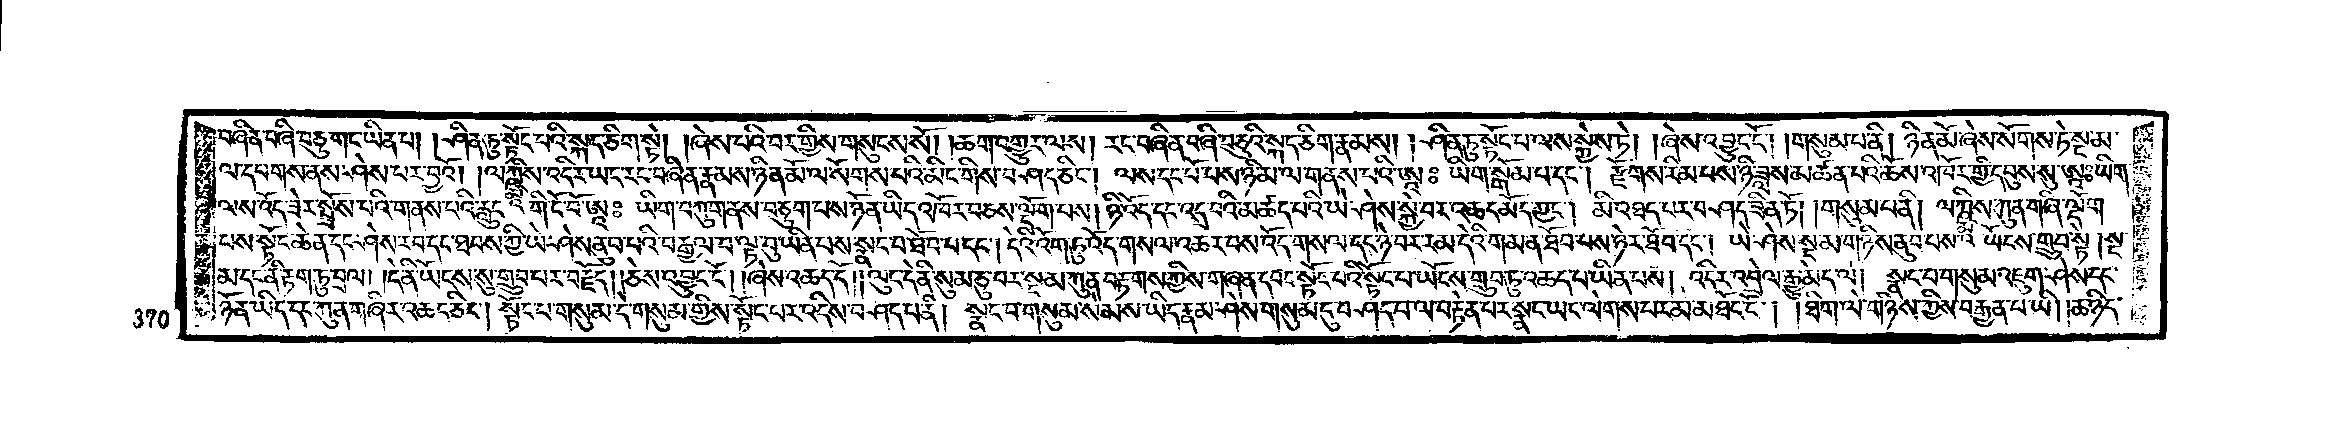བཞིན་བཞི་བཅུ་གང་ཡིན་པ། །ཤིན་ཏུ་སྟོང་པའི་སྐད་ཅིག་སྟེ། །ཞེས་པའི་བར་གྱིས་གསུངས་སོ། །ཆག་འགྱུར་ལས། རང་བཞིན་བཞི་བཅུའི་སྐད་ཅིག་རྣམས། །ཤིན་ཏུ་སྟོང་པ་ལས་སྐྱེས་ཏེ། །ཞེས་འབྱུང་ངོ། །གསུམ་པ་ནི། ཉིན་མོ་ཞེས་སོགས་ཏེ་སྔ་མ་
ལ་དབགས་ནས་ཤེས་པར་བྱའོ། །ལཀིཥྨཱིས་འདིར་ཡང་རང་བཞིན་རྣམས་ཉིན་མོ་ལ་སོགས་པའི་མིང་གིས་བཤད་ཅིང་། ལས་དང་པོ་པས་ཉི་མ་ལ་གནས་པའི་ཨཱཿ ཡིག་སྒོམ་པ་དང་། རྫོགས་རིམ་པས་ཉི་ཟླས་མཚན་པའི་ཆོས་འཁོར་གྱི་དབུས་སུ་ཨཱཿ ཡིག་
ལས་འོད་ཟེར་སྤྲོས་པའི་གནས་པའི་རླུང་གི་ངོ་བོ་ཨཱཿ ཡིག་བཀུག་ནས་བཅུག་པས་ཉོན་ཡིད་འཁོར་བཅས་ལྡོག་པས། ཉི་འོད་དང་འདྲ་བའི་མཆེད་པའི་ཡེ་ཤེས་སྐྱེ་བར་འཆད་མོད་ཀྱང་། མི་འཐད་པར་བཤད་ཟིན་ཏོ། །གསུམ་པ་ནི། ལཀིཥྨཱིས་ཀུན་གཞི་ལྡོག་
པས་སྟོང་ཆེན་དང་ཤེས་རབ་དང་ཐབས་ཀྱི་ཡེ་ཤེས་ནུབ་པའི་བརྒྱལ་བ་ལྟ་བུ་ཡིན་པས་སྣང་བ་ཐོབ་པ་དང་། དེའི་འོག་ཏུ་འོད་གསལ་འཆར་བས་འོད་གསལ་དང་ཉེ་བར་རམ་དེའི་གམ་ན་ཐོབ་པས་ཉེར་ཐོབ་དང་། ཡེ་ཤེས་སྔ་མ་གཉིས་ནུབ་པས་ཡོངས་གྲུབ་སྟེ། སྔ་
མ་དང་ནི་རྟག་ཏུ་བྲལ། །དེ་ནི་ཡོངས་སུ་གྲུབ་པར་བརྗོད། །ཅེས་འབྱུང་ངོ། །ཞེས་འཆད་དོ། །ལུང་དེ་ནི་སུམ་ཅུ་པར་སྔ་མ་ཀུན་བརྟགས་ཀྱིས་གཞན་དབང་སྟོང་པའི་སྟོང་པ་ཡོངས་གྲུབ་ཏུ་འཆད་པ་ཡིན་པས། འདིར་འབྲེལ་རྒྱུ་མེད་ལ། སྣང་བ་གསུམ་འཇུག་ཤེས་དང་
ཉོན་ཡིད་དང་ཀུན་གཞིར་འཆད་ཅིང་། སྟོང་པ་གསུམ་དེ་གསུམ་གྱིས་སྟོང་པར་འདིས་བཤད་པ་ནི། སྣང་བ་གསུམ་སེམས་ཡིད་རྣམ་ཤེས་གསུམ་དུ་བཤད་པ་ལ་བརྟེན་པར་སྣང་ཡང་ལེགས་པར་མ་མཐོང་ངོ། །ཐིག་ལེ་གཉིས་ཀྱིས་བརྒྱན་པ་ཡི། །ཆ་ཉིད་